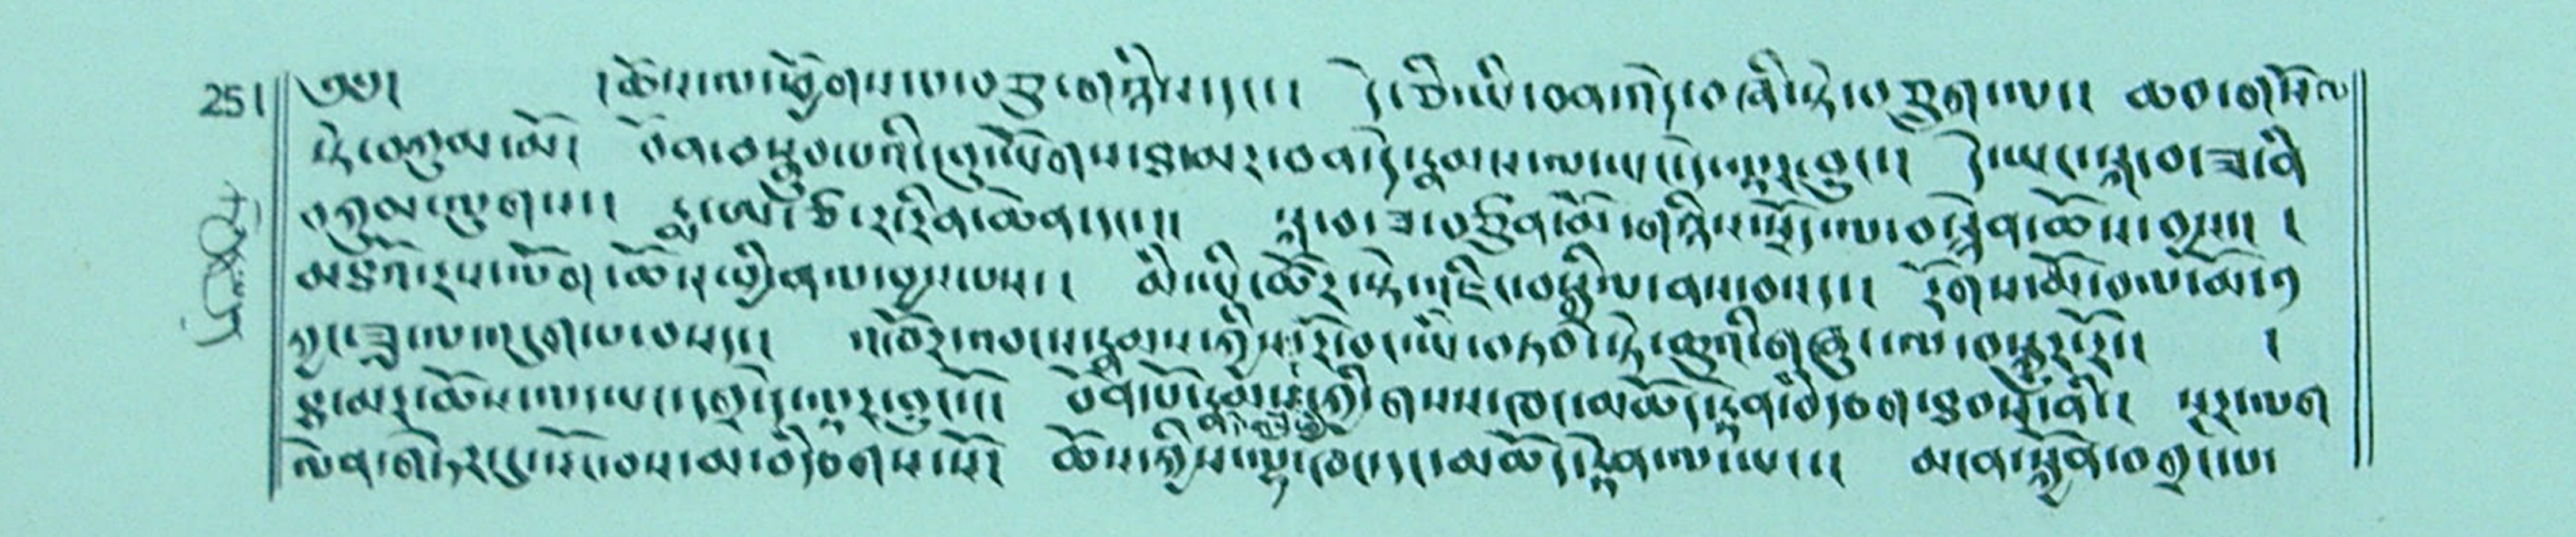༄༅། །ཆོས་ལ་ཕྱོགས་པ་བཅུ་གཉིས་དང་། དེ་ཅིའི་བན་དྷེ་བཞི་སྟེ་བཅུ་དྲུག་ལ། ཆབ་གསོལ་
ཏེ་བཀུམ་མོ། བོན་བསྣུབ་པའི་དབུ་ཡོགས་ཐ་མར་བན་དྷེ་རྣམས་ལ་ཡང་དེ་ལྟར་བྱུང་། དེ་ཡང་སྐ་བ་ཟ་ནི་
བཀུམ་ལུགས། རྨ་ཨ་ཙ་ར་རིན་ཆེན་དང་། སྐ་བ་ཟ་བཙུན་མོ་གཉིས་སྲོད་ལ་བསྙེན་ཆོས་བྱས། 
མཐོ་རས་ལོག་ཆོས་བྱི་ནལ་བྱས་པས། མི་ཡིས་ཚོར་ཏེ་འཇིང་བསྒྲིལ་ནས་བསད། རོགས་མོ་བལ་མོ་གཅིག་
ཀྱང་ཟླ་ལ་འདུག་པ་བསད། འཁོར་འབངས་རྣམས་ཀྱིས་དེ་གསུམ་གྱི་རོ་བང་གི་བཏབ་སྟེ་ཆུའི་གཞུང་ལ་བསྐྱུར་རོ། །
ཐ་མར་ཆོས་ལ་ཡང་དགྲ་དེ་ལྟར་དུ་བྱུང་ངོ་༑ ༑བོན་པོ་རྣམས་ཀྱི་གསས་ཁང་མཆོད་རྟེན་བརྩིགས་ཐབས་ནི། སྔར་ལག་
ལེན་གཏེར་དུ་སོང་བས་མ་བརྩིགས་སོ། །ཆོས་ཀྱིས་ལྷ་ཁང་དང་མཆོད་རྟེན་ལ་ཡང་། མངན་སྐྱོན་བགྲང་བ་